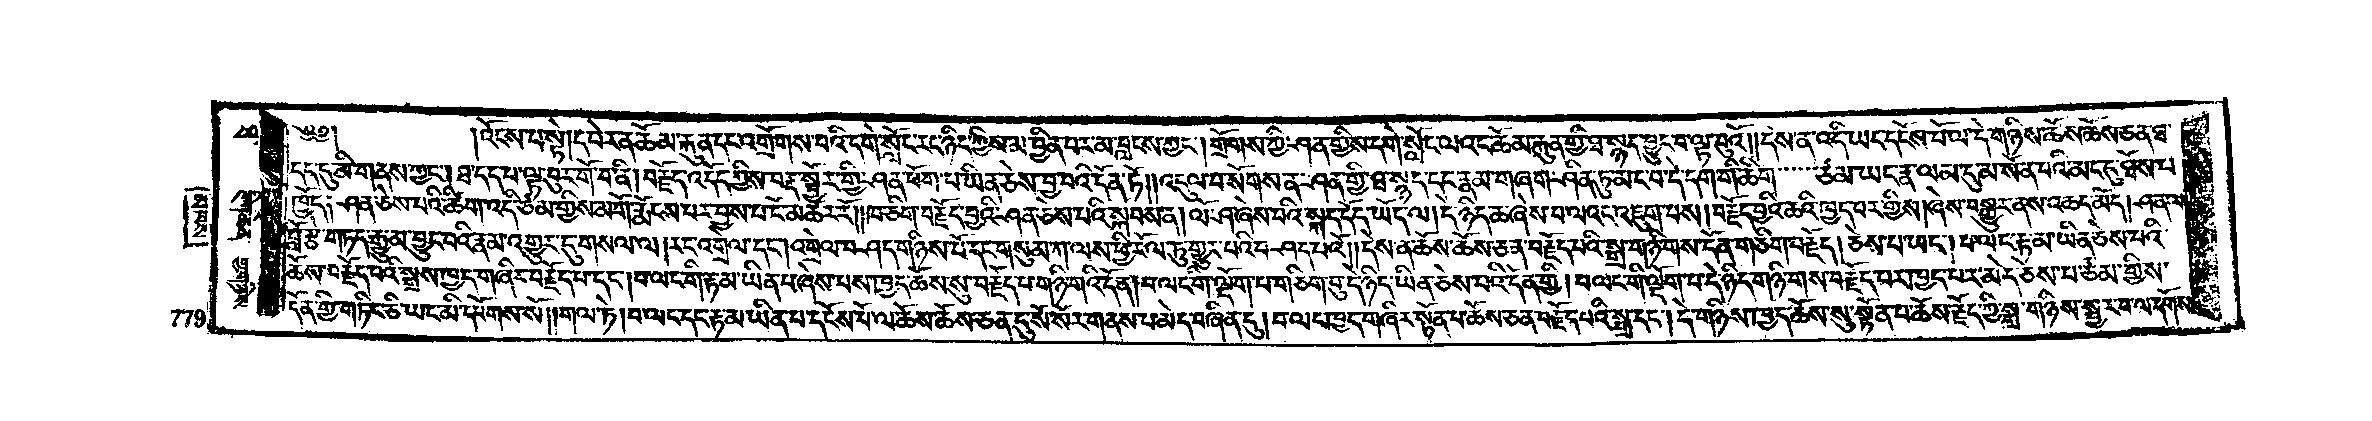༄༅། །འོངས་པ་སྟེ། དཔེར་ན་ཆོམ་རྐུན་དང་འགྲོགས་པའི་དགེ་སློང་རང་ཉིད་ཀྱིས་མ་བྱིན་པར་མ་བླངས་ཀྱང་། གྲོགས་ཀྱི་ཤན་གྱིས་དགེ་སློང་ལའང་ཆོམ་རྐུན་གྱི་ཐ་སྙད་བྱུང་བ་ལྟ་བུའོ། །དེས་ན་འདི་ཡང་དངོས་པོ་ལ་དེ་གཉིས་ཆོས་ཆོས་ཅན་ཐ་
དད་དུ་མི་གནས་ཀྱང་། ཐ་དད་པ་ལྟ་བུར་གོ་བ་ནི། བརྗོད་འདོད་ཀྱིས་བརྡ་སྦྱོར་གྱི་ཤན་ཕོག་པ་ཡིན་ཅེས་བྱ་བའི་དོན་ཏོ། །འདུལ་བ་སོགས་ན་ཤན་གྱི་ཐ་སྙད་དང་རྣམ་གཞག་ཤིན་ཏུ་མང་བ་དེ་དག་གི་ཚིག་ཙམ་ཡང་རྣ་ལམ་དུ་མ་སོན་པའི་མང་དུ་ཐོས་པ་
ཁྱོད། ཤན་ཅེས་པའི་ཚིག་འདི་ཙམ་གྱིས་མགོ་རྨོངས་པར་བྱས་པ་ངོ་མཚར་རོ། །ཁ་ཅིག་བརྗོད་བྱའི་ཤན་ཅེས་པའི་སྐབས་ན། ལོ་ཤ་ཞེས་པའི་སྐད་དོད་ཡོད་ལ། དེ་ཉིད་ཆ་ཞེས་པ་ལའང་འཇུག་པས། བརྗོད་བྱའི་ཆའི་ཁྱད་པར་གྱིས། ཞེས་བསྒྱུར་ནས་འཆད་མོད། ཤན་ལ་
བློ་རྩེ་གཏད་རྒྱུ་མ་བྱུང་བའི་རྣམ་འགྱུར་དུ་གསལ་ལ། རང་འགྲེལ་དང་། འགྲེལ་བཤད་གཉིས་པོ་དང་གསུམ་ཀ་ལས་ཕྱི་རོལ་ཏུ་གྱུར་པའི་བཤད་པའོ། །དེས་ན་ཆོས་ཆོས་ཅན་བརྗོད་པའི་སྒྲ་གཉི་གས་དོན་གཅིག་བརྗོད། ཅེས་པ་ཡང་། བ་ལང་རྟ་མ་ཡིན་ཅེས་པའི་
ཆོས་བརྗོད་པའི་སྒྲས་ཁྱད་གཞིར་བརྗོད་པ་དང་། བ་ལང་གི་རྟ་མ་ཡིན་པ་ཞེས་པས་ཁྱད་ཆོས་སུ་བརྗོད་པ་གཉི་གའི་དོན། བ་ལང་གི་ལྡོག་པ་གཅིག་པུ་དེ་ཉིད་ཡིན་ཅེས་པའི་དོན་གྱི། བ་ལང་གི་ལྡོག་པ་དེ་ཉིད་གཉི་གས་བརྗོད་པར་ཁྱད་པར་མེད་ཅེས་པ་ཙམ་གྱིས་
དོན་གྱི་གཏིང་ཅི་ཡང་མི་དཔོགས་སོ། །གལ་ཏེ། བ་ལང་དང་རྟ་མ་ཡིན་པ་དངོས་པོ་ལ་ཆོས་ཆོས་ཅན་དུ་སོ་སོར་གནས་པ་མེད་བཞིན་དུ། བ་ལང་ཁྱད་གཞིར་སྟོན་པ་ཆོས་ཅན་བརྗོད་པའི་སྒྲ་དང་། དེ་གཉིས་ཁྱད་ཆོས་སུ་སྟོན་པ་ཆོས་རྗོད་ཀྱི་སྒྲ་གཉིས་སྦྱར་བ་ལ་དགོས་